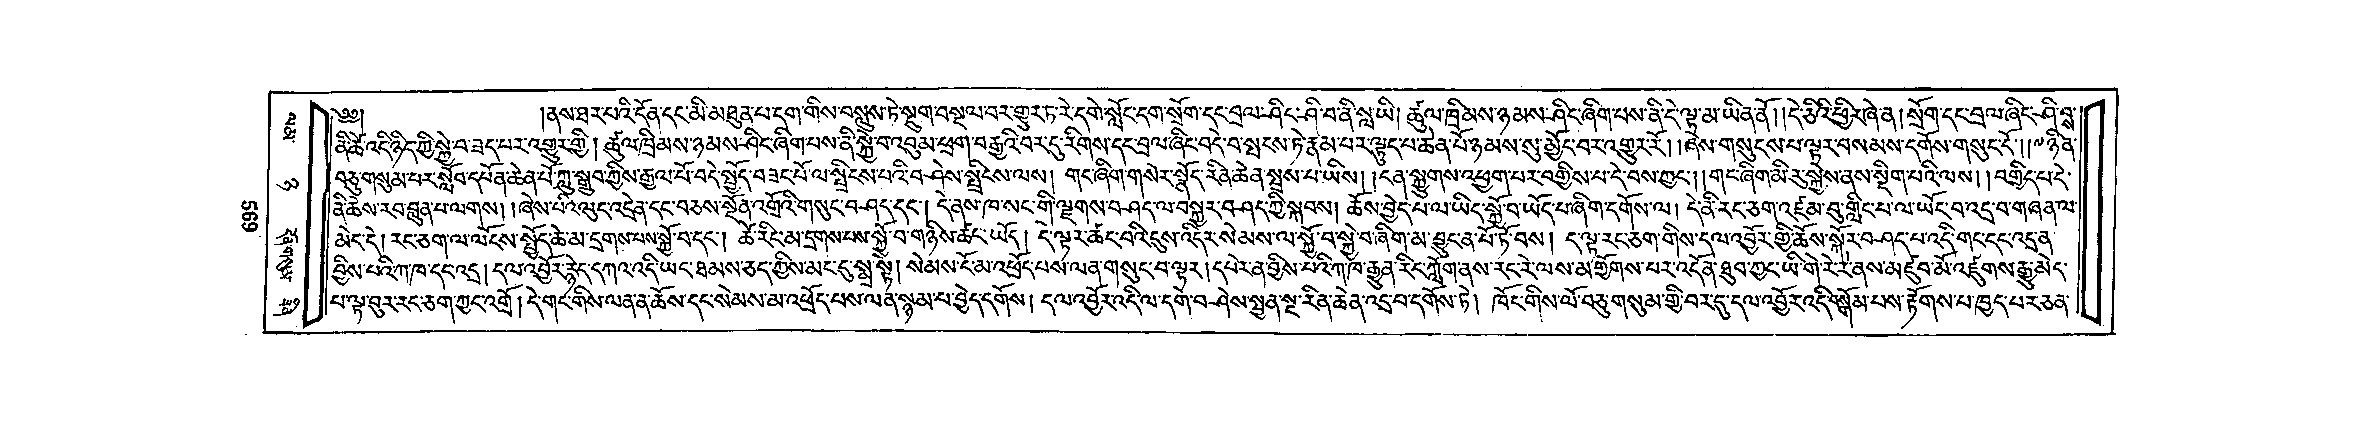༄༅། །ནས་ཐར་པའི་དོན་དང་མི་མཐུན་པ་དག་གིས་བསླུས་ཏེ་སྡུག་བསྔལ་བར་གྱུར་ཏེ་རེ་དགེ་སློང་དག་སྲོག་དང་བྲལ་ཤིང་ཤི་བ་ནི་སླ་ཡི། ཚུལ་ཁྲིམས་ཉམས་ཤིང་ཞིག་པས་ནི་དེ་ལྟར་མ་ཡིན་ནོ། །དེ་ཅིའི་ཕྱིར་ཞེ་ན། སྲོག་དང་བྲལ་ཞིང་ཤིབས་
ནི་ཚེ་འདི་ཉིད་ཀྱི་སྐྱེ་བ་ཟད་པར་འགྱུར་གྱི་།ཚུལ་ཁྲིམས་ཉམས་ཤིང་ཞིག་པས་ནི་སྐྱེ་བ་འབུམ་ཕྲག་བརྒྱའི་བར་དུ་རིགས་དང་བྲལ་ཞིང་བདེ་བ་སྤངས་ཏེ་རྣམ་པར་ལྟུང་པ་ཆེན་པོ་ཉམས་སུ་མྱོང་བར་འགྱུར་རོ། །ཞེས་གསུངས་པ་ལྟར་བསམས་དགོས་གསུང་དོ། །༧ཉིན་
བཅུ་གསུམ་པར་སློབ་དཔོན་ཆེན་པོ་ཀླུ་སྒྲུབ་ཀྱིས་རྒྱལ་པོ་བདེ་སྤྱོད་བཟང་པོ་ལ་སྤྲིངས་པའི་བཤེས་སྤྲིངས་ལས། གང་ཞིག་གསེར་སྣོད་རིན་ཆེན་སྤྲས་པ་ཡིས། །ངན་སྐྱུགས་འཕྱག་པར་བགྱིས་པ་དེ་བས་ཀྱང་། །གང་ཞིག་མི་རུ་སྐྱེས་ནས་སྡིག་པའི་ལས། །བགྱིད་པ་དེ་
ནི་ཆེས་རབ་བླུན་པ་ལགས། །ཞེས་པའི་ལུང་འདྲེན་དང་བཅས་སྔོན་འགྲོའི་གསུང་བཤད་དང་། དེ་ནས་ཁ་སང་གི་ལྗགས་བཤད་ལ་བསྐྱར་བཤད་ཀྱི་སྐབས། ཆོས་བྱེད་པ་ལ་ཡིད་སྐྱོ་བ་ཡོད་པ་ཞིག་དགོས་ལ། དེ་ནི་རང་ཅག་འཛམ་བུ་གླིང་པ་ལ་ཡོང་བ་འདྲ་བ་གཞན་ལ་
མེད་དེ། རང་ཅག་ལ་ལོངས་སྤྱོད་ཆེ་མ་དྲགས་པས་སྐྱོ་བ་དང་། ཚེ་རིང་མ་དྲགས་པས་སྐྱོ་བ་གཉིས་ཚང་ཡོད། དེ་ལྟར་ཚང་བའི་དུས་འདིར་སེམས་ལ་སྐྱོ་བ་སྐྱེ་བ་ཞིག་མ་བྱུང་ན་པོ་ཏོ་བས། ད་ལྟ་རང་ཅག་གིས་དལ་འབྱོར་གྱི་ཆོས་སྐོར་བཤད་པ་འདི་གང་དང་འདྲ་ན་
བྱིས་པའི་ཀ་ཁ་དང་འདྲ། དལ་འབྱོར་རྙེད་དཀའ་འདི་ཡང་ཐམས་ཅད་ཀྱིས་མང་དུ་སྨྲ་སྟེ། སེམས་ངོ་མ་འཕྲོད་པས་ལན་གསུང་བ་ལྟར། དཔེར་ན་བྱིས་པའི་ཀ་ཁ་རྒྱུན་རིང་ཀློག་ནས་རང་རེ་ལས་མགྱོགས་པར་འདོན་ཐུབ་ཀྱང་ཡི་གེ་རེ་རེ་ནས་མཛུབ་ཀྱང་ཡི་གེ་རེ་རེ་ནས་མཛུབ་མོ་འཛུགས་རྒྱུ་མེད་
པ་ལྟ་བུར་རང་ཅག་ཀྱང་འགྲོ་།དེ་གང་གིས་ལན་ན་ཆོས་དང་སེམས་མ་འཕྲོད་པས་ལན་སྙམ་པ་བྱེད་དགོས། དལ་འབྱོར་འདི་ལ་དགེ་བཤེས་སྤྱན་སྔ་རིན་ཆེན་འདྲ་བ་དགོས་ཏེ། ཁོང་གིས་ལོ་བཅུ་གསུམ་གྱི་བར་དུ་དལ་འབྱོར་འདི་བསྒོམ་པས་རྟོགས་པ་ཁྱད་པར་ཅན་